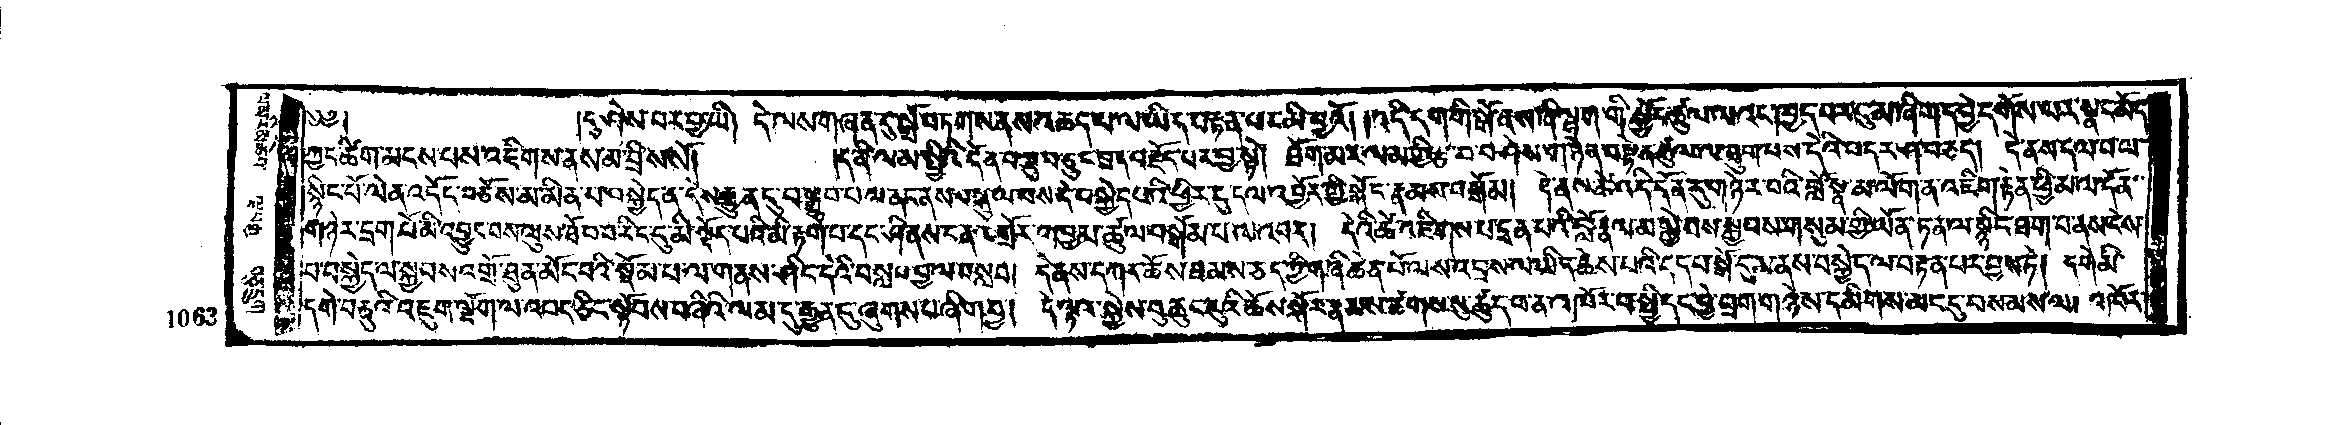༄༅། །དུ་ཤེས་པར་བྱ་ཡི། དེ་ལས་གཞན་དུ་སྒྲོ་བཏགས་ནས་འཆད་པ་ལ་ཡིད་བརྟན་པར་མི་བྱའོ། །འདི་དག་གི་སྒོ་ནས་ཞི་ལྷག་གི་སྐྱོང་ཚུལ་ལའང་ཁྱད་པར་དུ་མ་ཞིག་དབྱེ་དགོས་པར་སྣང་མོད་
ཀྱང་ཚིག་མངས་པས་འཇིགས་ནས་མ་བྲིས་སོ། །ད་ནི་ལམ་སྤྱིའི་དོན་བསྡུ་བ་ཅུང་ཟད་བརྗོད་པར་བྱ་སྟེ། ཐོག་མར་ལམ་གྱི་རྩ་བ་བཤེས་གཉེན་བསྟེན་ཚུལ་ལ་ཐུག་པས་དེའི་བདར་ཤ་བཅད། དེ་ནས་དལ་བ་ལ་
སྙིང་པོ་ལེན་འདོད་བཅོས་མ་མིན་པ་བསྐྱེད་ན་དེས་རྒྱུན་དུ་བསྒྲུབ་པ་ལ་ནང་ནས་བསྐུལ་བས་དེ་བསྐྱེད་པའི་ཕྱིར་དུ་དལ་འབྱོར་གྱི་སྐོར་རྣམས་བསྒོམ། དེ་ནས་ཚེ་འདི་དོན་དུ་གཉེར་བའི་བློ་སྣ་མ་ལོག་ན་འཇིག་རྟེན་ཕྱི་མ་ལ་དོན་
གཉེར་དྲག་པོ་མི་འབྱུང་བས་ལུས་ཐོབ་པ་རིང་དུ་མི་སྡོད་པའི་མི་རྟག་པ་དང་ཤི་ནས་ངན་འགྲོར་འཁྱམ་ཚུལ་བསྒོམ་པ་ལ་འབད། དེའི་ཚེ་འཇིགས་པ་དྲན་པའི་བློ་རྣལ་མ་སྐྱེ་བས་སྐྱབས་གསུམ་གྱི་ཡོན་ཏན་ལ་སྙིང་ཐག་པ་ནས་ངེས་
པ་བསྐྱེད་ལ་སྐྱབས་འགྲོ་ཐུན་མོང་བའི་སྡོམ་པ་ལ་གནས་ཤིང་དེའི་བསླབ་བྱ་ལ་བསླབ། དེ་ནས་དཀར་ཆོས་ཐམས་ཅད་ཀྱི་གཞི་ཆེན་པོ་ལས་འབྲས་ལ་ཡིད་ཆེས་པའི་དད་པ་སྒོ་དུ་མ་ནས་བསྐྱེད་ལ་བརྟན་པར་བྱས་ཏེ། དགེ་མི་
དགེ་བཅུའི་འཇུག་ལྡོག་ལ་འབད་ཅིང་སྟོབས་བཞིའི་ལམ་དུ་རྒྱུན་དུ་ཞུགས་པ་ཞིག་བྱ། དེ་ལྟར་སྐྱེས་བུ་ཆུང་ངུའི་ཆོས་སྐོར་རྣམས་ཚགས་སུ་ཚུད་པ་ན་འཁོར་བ་སྤྱི་དང་བྱེ་བྲག་གི་ཉེས་དམིགས་མང་དུ་བསམས་ལ། འཁོར་